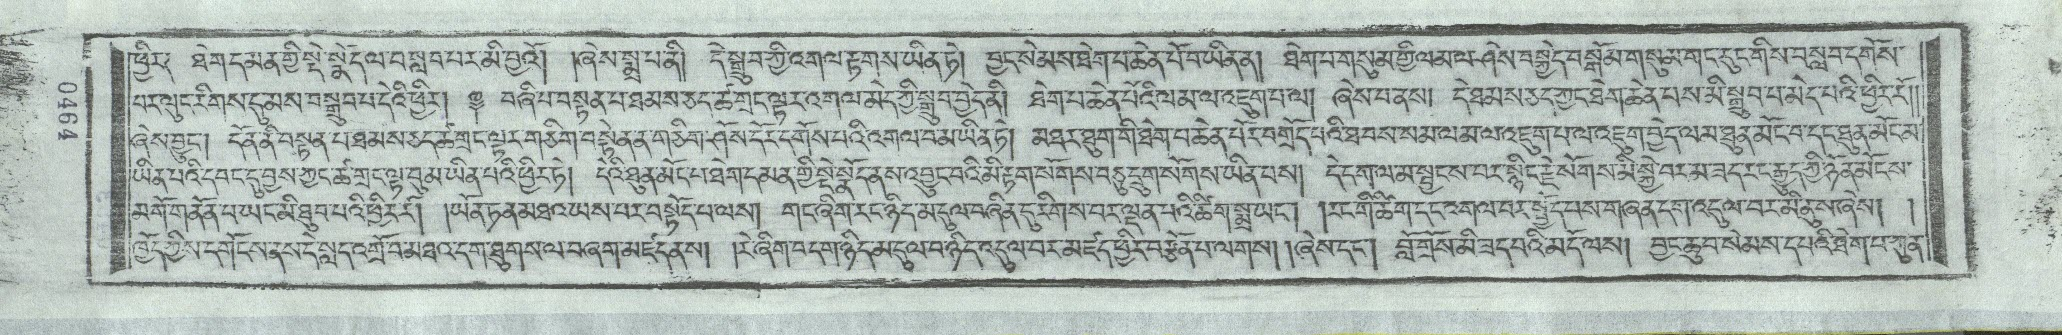ཕྱིར༑ ཐེག་དམན་གྱི་སྡེ་སྣོད་ལ་བསླབ་པར་མི་བྱའོ། །ཞེས་སྨྲ་པ་ནི། དེ་སྒྲུབ་ཀྱི་འགལ་རྟགས་ཡིན་ཏེ། བྱང་སེམས་ཐེག་པ་ཆེན་པོ་བ་ཡིན་ན། ཐེག་པ་གསུམ་གྱི་ལམ་ལ་ཤེས་བསྐྱེད་བསྒོམ་གསུམ་གང་རུང་གིས་བསླབ་དགོས་
པར་ལུང་རིགས་དུ་མས་བསྒྲུབ་པ་དེའི་ཕྱིར། ༈བཞི་པ་བསྟན་པ་ཐམས་ཅད་ཚ་གྲང་ལྟར་འགལ་མེད་ཀྱི་སྒྲུབ་བྱེད་ནི། ཐེག་པ་ཆེན་པོའི་ལམ་ལ་འཇུག་པ་ལ། ཞེས་པ་ནས། དེ་ཐམས་ཅད་ཀྱང་ཐེག་ཆེན་པས་མི་སྒྲུབ་པ་མེད་པའི་ཕྱིར་རོ།།
ཞེས་བྱུང་། དོན་ནི་བསྟན་པ་ཐམས་ཅད་ཚ་གྲང་ལྟར་གཅིག་བསྟེན་ན་གཅིག་ཤོས་དོར་དགོས་པའི་འགལ་བམ་ཡིན་ཏེ། མཐར་ཐུག་གི་ཐེག་པ་ཆེན་པོར་བགྲོད་པའི་ཐབས་སམ་ལམ་ལ་འཇུག་པ་ལ་འཇུག་བྱེད་ལ་མཐུན་མོང་བ་དང་ཐུན་མོང་མ་
ཡིན་པའི་དབང་དུ་བྱས་ཀྱང་ཚ་གྲང་ལྟ་བུ་མ་ཡིན་པའི་ཕྱིར་ཏེ། དེའི་ཐུན་མོང་པ་ཐེག་དམན་གྱི་སྡེ་སྣོད་ནས་འབྱུང་བའི་མི་རྟག་སོགས་བཅུ་དྲུག་སོགས་ཡིན་པས། དེ་དག་ལ་མ་སྦྱངས་པར་སྙིང་རྗེ་སོགས་མི་སྐྱེ་བར་མ་ཟད་རང་རྒྱུད་ཀྱི་ཉོན་མོངས་
མགོ་གནོན་པ་ཡང་མི་ཐུབ་པའི་ཕྱིར་རོ། །ཡོན་ཏན་མཐའ་ཡས་པར་བསྟོད་པ་ལས། གང་ཞིག་རང་ཉིད་མདུལ་བཞིན་དུ་རིགས་པར་ལྡན་པའི་ཚིག་སྨྲ་ཡང་། །རང་གི་ཚིག་དང་འགལ་བར་སྤྱོད་པས་གཞན་དག་འདུལ་བར་མི་ནུས་ཞེས། །
ཁྱོད་ཀྱིས་དགོངས་ནས་དེ་སླད་འགྲོས་མཐའ་དག་ཐུགས་ལ་བཞག་མཛད་ནས། །རེ་ཞིག་བདག་ཉིད་མདུལ་བ་ཉིད་འདུལ་བར་མཛད་ཕྱིར་བརྩོན་པ་ལགས། །ཞེས་དང་། བློ་གྲོས་མི་ཟད་པའི་མདོ་ལས། བྱང་ཆུབ་སེམས་དཔའི་ཐོག་?༺ས་